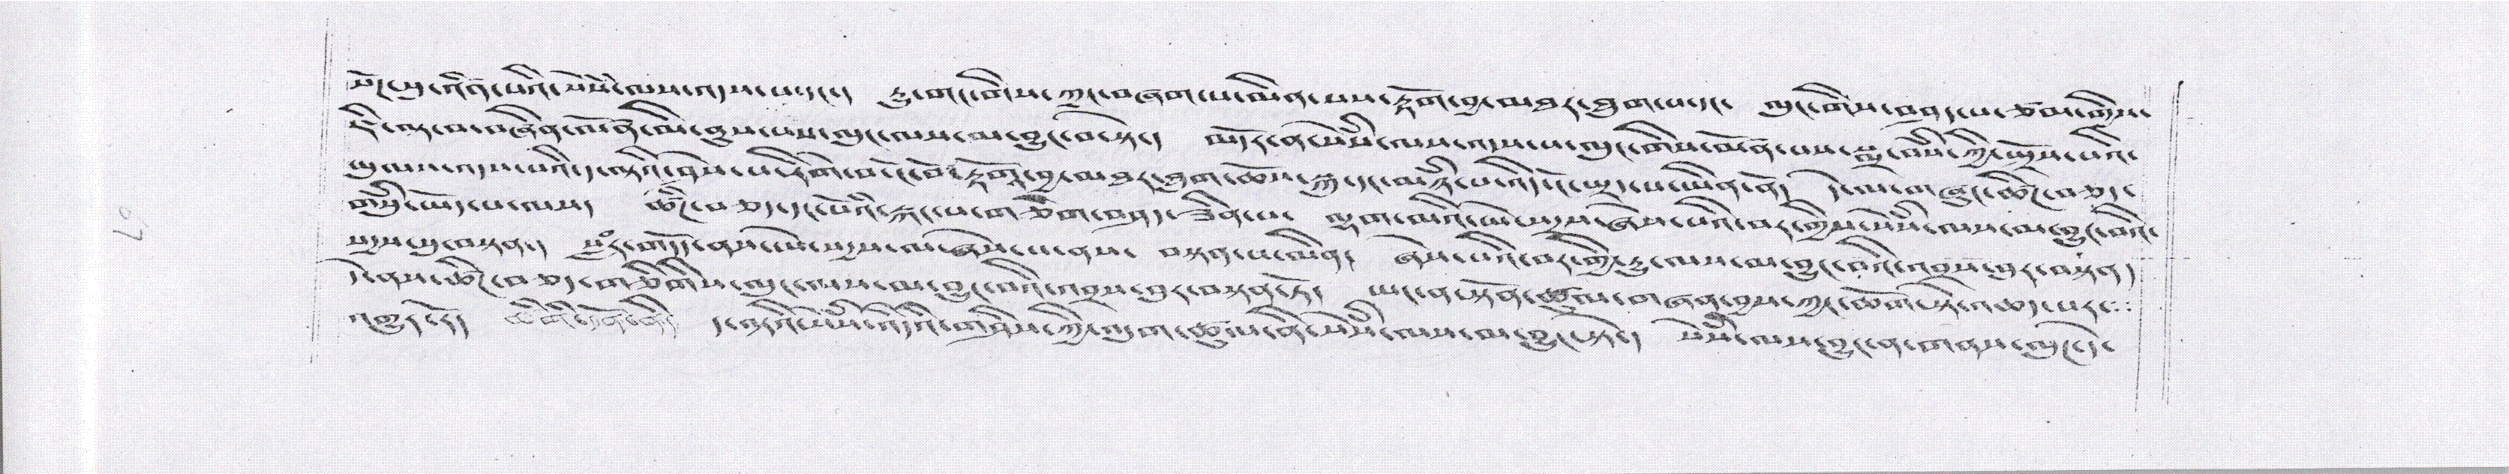སོགས་སུ་འཛིན་པའི་སེམས་ལས་འདས་པ་དང་། རྒྱུ་གང་གིས་ཀྱང་བཞག་པ་མིན་པས་རྟོགས་བྱ་མཐར་ཐུག་པ་དང་། ལུང་གིས་བཤད་པ་ཙམ་གྱིས་
ཇི་ལྟ་བ་བཞིན་མཚོན་མི་ནུས་པས་ལུང་ལས་མ་བྱུང་བ་སྟེ། མདོར་ན་སེམས་ལས་འདས་པ་ལུང་གིས་མཚོན་པས་སྨྲ་སེམས་ཀྱི་སྤྲོས་པའི་
ཡུལ་ལས་འདས་པའི་ད་ལྟའི་ཤེས་པ་རིག་གེ་བ་ངོ་བོ་རྟོགས་བྱ་མཐར་ཐུག་ཆོས་སྐུ་དང་མཉམ་པ་འདི་ངོ་སྤྲད་པ་ཡིན་ནོ། དེ་ལ་གཞུང་ཚིགས་སུ་བཅད་
གསུམ་ཡོད་པ་ལས། ཚིགས་བཅད་དང་པོའི་རྐང་པ་གསུམ་བཤད་ཟིན་པ། ལྷག་མའི་ཡེ་སངས་རྒྱས་ཞེས་པའི་བར་གྱིས་སེམས་ལས་མ་བྱུང་བའི་
སངས་རྒྱས་སུ་བསྟན། སླར་གདོད་ནས་ཡེ་སངས་རྒྱས་ལ། ཞེས་པ་ནས། བསྟན་པ་ཡིན། ཞེས་པའི་བར་གྱིས་རྒྱུ་ལས་མ་བྱུང་བའི་འབྲས་བུར་བསྟན། 
དེ་ནས་ཚིགས་བཅད་གཅིག་གིས་ལུང་ལས་མ་བྱུང་བའི་འབྲས་བུར་བསྟན་ཏོ། ཡང་ན་སྟོན་ཚུལ་གཞན་བྱས་ཀྱང་ཆོག་སྟེ་འཆད་པར་
འགྱུར་རོ། ཚིག་གི་དོན་ནི། ད་ལྟའི་སེམས་འདིའི་གཤིས་ཀྱི་འདུག་ཚུལ་སེམས་ལས་མ་བྱུང་བ་སྟེ། སེམས་ལས་བྱུང་ན་གནས་ལུགས་དེ་